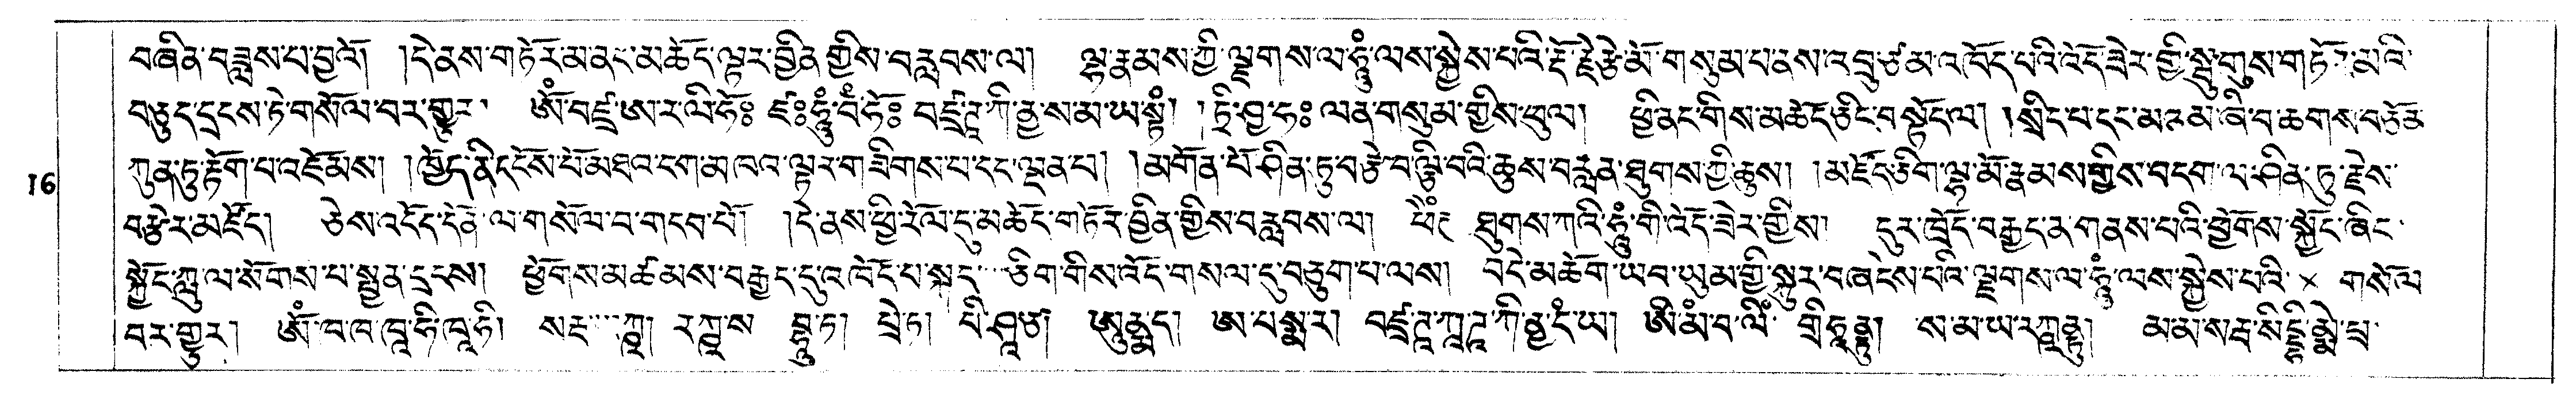བཞིན་བཟླས་པ་བྱའོ། །དེ་ནས་གཏོར་མ་ནང་མཆོད་ལྟར་བྱིན་གྱིས་བརླབས་ལ། ལྷ་རྣམས་ཀྱི་ལྗགས་ལ་ཧཱུཾ་ལས་སྐྱེས་པའི་རྡོ་རྗེ་རྩེ་མོ་གསུམ་པ་ནས་འབྲུ་ཙམ་འཁོད་པའི་འོད་ཟེར་གྱི་སྦུ་གུས་གཏོར་མའི་
བཅུད་དྲངས་ཏེ་གསོལ་བར་གྱུར། ཨོཾ་བཛྲ་ཨ་ར་ལི་ཧོཿ ཛཿ ཧཱུཾ་བཾ་ཧོཿ བཛྲ་ཊཱ་ཀི་ནཡ་ས་མ་ཡ་སྟཾ། །ཏྲི་ཤྱ་ཧཿ ལན་གསུམ་གྱིས་ཕུལ། ཕྱི་ནང་གིས་མཆོད་ཅིང་བསྟོང་ལ། །སྲིད་པ་དང་མཉམ་ཞི་བ་ཆགས་བཅོམ་
ཀུན་ཏུ་རྟོག་པ་འཇོམས། །ཁྱོད་ནི་དངོས་པོ་མཐའ་ངག་མཁའ་ལྟར་གཟིགས་པ་དང་ལྡན་པ། །མགོན་པོ་ཤིན་ཏུ་བརྩེ་བ་ལྕི་བའི་ཆུས་བརླན་ཐུགས་ཀྱི་ཆུས། །མཛོད་ཅིག་ལྷ་མོ་རྣམས་ཀྱིས་བདག་ལ་ཤིན་ཏུ་རྗེས་
བརྩེར་མཛོད། ཅེས་འདོད་དོན་ལ་གསོལ་བ་གདབ་པོ། །དེ་ནས་ཕྱི་རོལ་དུ་མཆོད་གཏོར་བྱིན་གྱིས་བརླབས་ལ། ཕཻཾ༑ ཐུགས་ཀའི་ཧཱུཾ་གི་འོད་ཟེར་གྱིས། དུར་ཁྲོད་བརྒྱད་ན་གནས་པའི་ཕྱོགས་སྐྱོང་ཞིང་
སྐྱོང་ཀླུ་ལ་སོགས་པ་སྤྱན་དྲངས། ཕྱོགས་མཚམས་བརྒྱད་དུ་འཁོད་པ་སྐད་ཅིག་གིས་འདོ་གསལ་དུ་བཅུག་པ་ལས། བདེ་མཆོག་ཡབ་ཡུམ་གྱི་སྐུར་བཞེངས་པའི་ལྗགས་ལ་ཧཱུཾ་ལས་སྐྱེས་པའི་྾་གསོལ་
བར་གྱུར། ཨོཾ་ཁ་ཁ་ཁཱ་ཧི་ཁཱ་ཧི། སརྦ་ཀྵ། རཀྵ་ས་བྷཱུ་ཏ། པྲེ་ཏ། པི་ཤཱ་ཙ། ཨཱུནྨ་ད། ཨ་པ་སྨ་ར། བཛྲ་ཊཱ་ཀཱ་ཌཱ་ཀི་ནཡ་དཾ་ཡ། ཨི་མཾ་བ་ལིཾ་གྲི་ཧཱ་ནྟུ། ས་མ་ཡ་ར་ཀྵ་ནྟུ། མ་མ་སརྦ་སི་དྡྷི་མྨེ་པྲ་